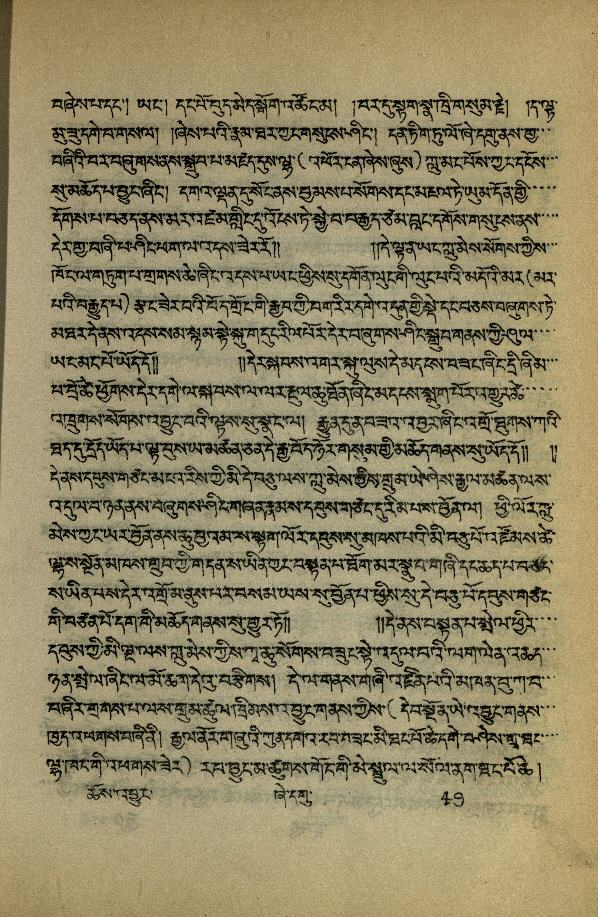བཞེས་པ་དང་། ཡང་། དང་པོ་བུད་མེད་སྒོག་འཚོང་མ། །བར་དུ་སྟག་སྣ་ཁྲི་གསུམ་རྗེ། །ད་ལྟ་
མུ་ཟུ་དགེ་བ་གསལ། །ཞེས་པའི་རྣམ་ཐར་ཀྱང་གསུངས་ཤིང་། དན་ཏིག་ཏུ་ལོ་ཞེ་དགུ་ནས་གྱ་
བཞིའི་བར་བཞུགས་ནས་སྒྲུབ་པ་མཛད་དུས་ལྷ་འཕོར་ངན་ཞེས་ཞུས་ཀླུ་མང་པོས་ཀྱང་དངོས་
སུ་མཆོད་པ་བྱུང་ཞིང་། དགའ་ལྡན་དུ་སོང་ནས་བྱམས་པ་སོགས་དང་མཇལ་ཏེ་ཡུམ་དོན་གྱི་
དོགས་པ་བཅད་ནས་མར་འཛམ་གླིང་དུ་འོངས་ཏེ་སྐྱེ་བ་བརྒྱད་ཙམ་བླང་དགོས་གསུངས་ནས་
དེར་གྱ་བཞི་པ་ཤིང་ཕག་ལ་འདས་ཟེར་རོ།། །།དེ་ལྟ་ན་ཡང་ཀླུ་མེས་སོགས་ཀྱིས་
ཁོང་ལ་གཏུགས་པ་གྲགས་ཆེ་ཞིང་འདས་པ་ཡང་ཕྱིས་སུ་དགོན་ལུང་གི་ལུང་པའི་མདོའི་མར་མར་
པའི་བརྒྱུད་པ་རྩང་ཟེར་བའི་བོད་གྲོང་གི་རྒྱབ་ཀྱི་བག་རིར་དགེ་འདུན་གྱི་སྡེ་དང་བཅས་བཞུགས་ཏེ་
མཐར་དེ་ནས་འདས་སམ་སྙམ་སྟེ་སྐུ་གདུང་རིལ་པོར་དེར་བཞུགས་ཤིང་སྒྲུབ་གནས་ཀྱི་ཤུལ་
ཡང་མང་པོ་ཡོད་དོ།། །།དེར་སྐབས་འགར་སྐུ་ལུས་དེ་མདངས་བཟང་ཞིང་དྲི་ཞིམ་
པ་བྲོ་ཚེ་ཕྱོགས་དེར་དགེ་ལ་སྐབས་ལ་ལར་རྡུལ་ཆུ་ཐོན་ཞིང་མདངས་སྨུག་པོར་འགྱུར་ཚེ་
འཁྲུགས་སོགས་འབྱུང་བའི་ལྟས་སུ་སྣང་ལ། རྒྱུན་དུ་ན་བཟའ་འབྱར་ཞིང་འགྲོ་ཐུགས་ཀའི་
ཐད་དུ་དྲོད་ཡོད་པ་ལྟ་བུས་ཡ་མཚན་ཅན་དེ་རྒྱ་བོད་ཧོར་གསུམ་གྱི་མཆོད་གནས་སུ་ཡོད་དོ།། །།
དེ་ནས་དབུས་གཙང་མངའ་རིས་ཀྱི་མི་དེ་བཅུ་ལས་ཀླུ་མེས་ཀྱིས་གྲུམ་ཡེ་ཤེས་རྒྱལ་མཚན་ལས་
འདུལ་བ་ཉན་ནས་བཞུགས་ཤིང་གཞན་རྣམས་དབུས་གཙང་དུ་རིམ་པས་བྱོན་ལ། ཕྱི་ལོར་ཀླུ་
མེས་ཀྱང་ཡར་བྱོན་ནས་ཆུ་བྱའམ་ས་སྟག་ལོར་དབུས་སུ་མཁས་པའི་མི་བཅུ་པོ་འཛོམས་ཚེ་
ལྷ་ས་སྔོན་མཁས་གྲུབ་ཀྱི་གདན་ས་ཡིན་ཀྱང་བསྟན་པ་ཐོག་མར་སྣུབ་གཞི་དང་ཆད་པ་བཅད་
ས་ཡིན་པས་དེར་འགྲོ་མ་ནུས་པར་བསམ་ཡས་སུ་བྱོན་པ་ཕྱིས་སུ་དེ་བཅུ་པོ་དབུས་གཙང་
གི་བཙན་པོ་དག་གི་མཆོད་གནས་སུ་གྱུར་ཏོ།། །།དེ་ནས་བསྟན་པ་སྤེལ་ཕྱིར་
དབུས་ཀྱི་མི་ལྔ་ལས་ཀླུ་མེས་ཀྱིས་ཀྭ་ཆུ་སོགས་བཟུང་སྟེ་འདུལ་བའི་ལག་ལེན་འཆད་
ཉན་སྤེལ་ཞིང་ལ་མོ་ཆག་དེའུ་བརྩིགས། དེ་ལ་གནས་གཞི་འཛིན་པའི་མཁན་བུ་ཀ་བ་
བཞིར་གྲགས་པ་ལས་གྲུམ་ཚུལ་ཁྲིམས་འབྱུང་གནས་ཀྱིས་དེབ་སྔོན་ཡེ་འབྱུང་གནས་
ཁྱད་འཕགས་བཞི་ནི། རྒྱལ་ནོར་གཞུའི་ཀུན་དགའ་རབ་བཟང་མི་ཐང་པོ་ཆེ་དགེ་བཤེས་གྲྭ་ཐང་
ལྷ་ཁང་གི་འཕགས་ཟེར་རབ་བྱུང་མ་ཚུགས་གོང་གི་མེ་སྤྲུལ་ལ་སོལ་ནག་ཐང་པོ་ཆེ།